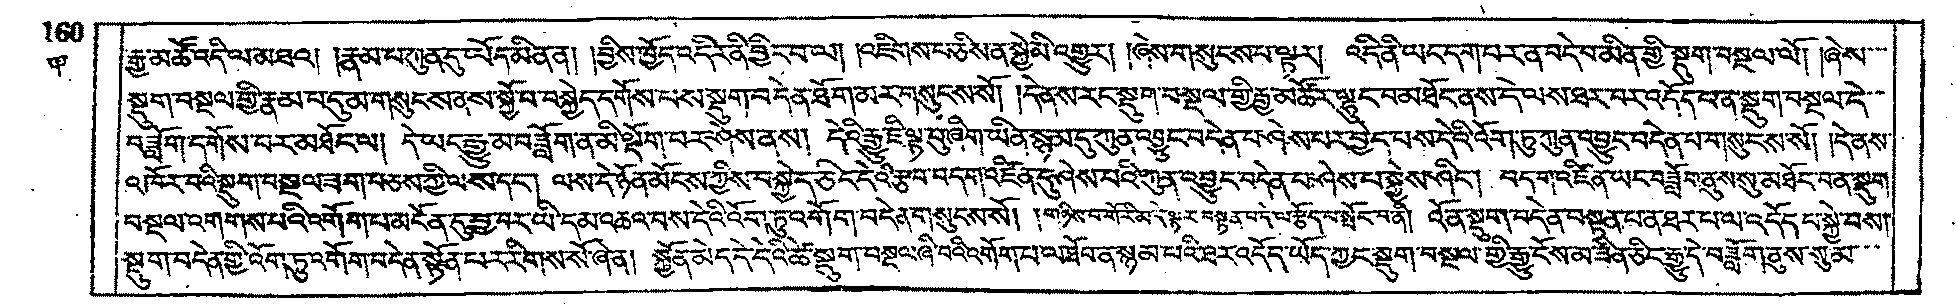རྒྱ་མཚོ་འདི་ལ་མཐའ། །རྣམ་པ་ཀུན་དུ་ཡོད་མིན་ན། །བྱིས་ཁྱོད་འདིར་ནི་བྱིང་བ་ལ། །འཇིགས་པ་ཅིས་ན་སྐྱེ་མི་འགྱུར། །ཞེས་གསུངས་པ་ལྟར། འདི་ནི་ཡང་དག་པར་ན་བདེ་བ་མིན་གྱི་སྡུག་བསྔལ་ལོ། །ཞེས་
སྡུག་བསྔལ་གྱི་རྣམ་པ་དུ་མ་གསུངས་ནས་སྐྱོ་བ་བསྐྱེད་དགོས་པས་སྡུག་བདེན་ཐོག་མར་གསུངས་སོ། །དེ་ནས་རང་སྡུག་བསྔལ་གྱི་རྒྱ་མཚོར་ལྷུང་བ་མཐོང་ནས་དེ་ལས་ཐར་བར་འདོད་པ་ན་སྡུག་བསྔལ་དེ་
བཟློག་དགོས་པར་མཐོང་ལ། དེ་ཡང་རྒྱུ་མ་བཟློག་ན་མི་ལྡོག་པར་ཤེས་ནས། དེའི་རྒྱུ་ཇི་ལྟ་བུ་ཞིག་ཡིན་སྙམ་དུ་ཀུན་འབྱུང་བདེན་པ་ཤེས་པར་བྱེད་པས་དེའི་འོག་ཏུ་ཀུན་འབྱུང་བདེན་པ་གསུངས་སོ། །དེ་ནས་
འཁོར་བའི་སྡུག་བསྔལ་ཟག་བཅས་ཀྱི་ལས་དང་། ལས་དེ་ཉོན་མོངས་ཀྱིས་བསྐྱེད་ཅིང་དེའི་རྩ་བ་བདག་འཛིན་དུ་ཤེས་པའི་ཀུན་འབྱུང་བདེན་པ་ཤེས་པ་སྐྱེས་ཤིང་། བདག་འཛིན་ཡང་བཟློག་ནུས་སུ་མཐོང་བ་ན་སྡུག་
བསྔལ་འགགས་པའི་འགོག་པ་མངོན་དུ་བྱ་བར་ཡི་དམ་འཆའ་བས་དེའི་འོག་ཏུ་འགོག་བདེན་གསུངས་སོ། །གཉིས་པ་གོ་རིམ་དེ་ལྟར་བསྟན་པ་དེ་ལ་རྩོད་པ་སྤོང་བ་ནི།  འོ་ན་སྡུག་བདེན་བསྟན་པ་ན་ཐར་པ་ལ་འདོད་པ་སྐྱེ་བས།
སྡུག་བདེན་གྱི་འོག་ཏུ་འགོག་བདེན་སྟོན་པར་རིགས་སོ་ཞེ་ན། སྐྱོན་མེད་དེ་དེའི་ཚེ་སྡུག་བསྔལ་ཞི་བའི་འགོག་པ་ལ་ཐོན་ན་སྙམ་པའི་ཐར་འདོད་ཡོད་ཀྱང་སྡུག་བསྔལ་གྱི་རྒྱུ་ངོས་མ་ཟིན་ཅིང་རྒྱུ་དེ་བཟློག་ནུས་སུམ་